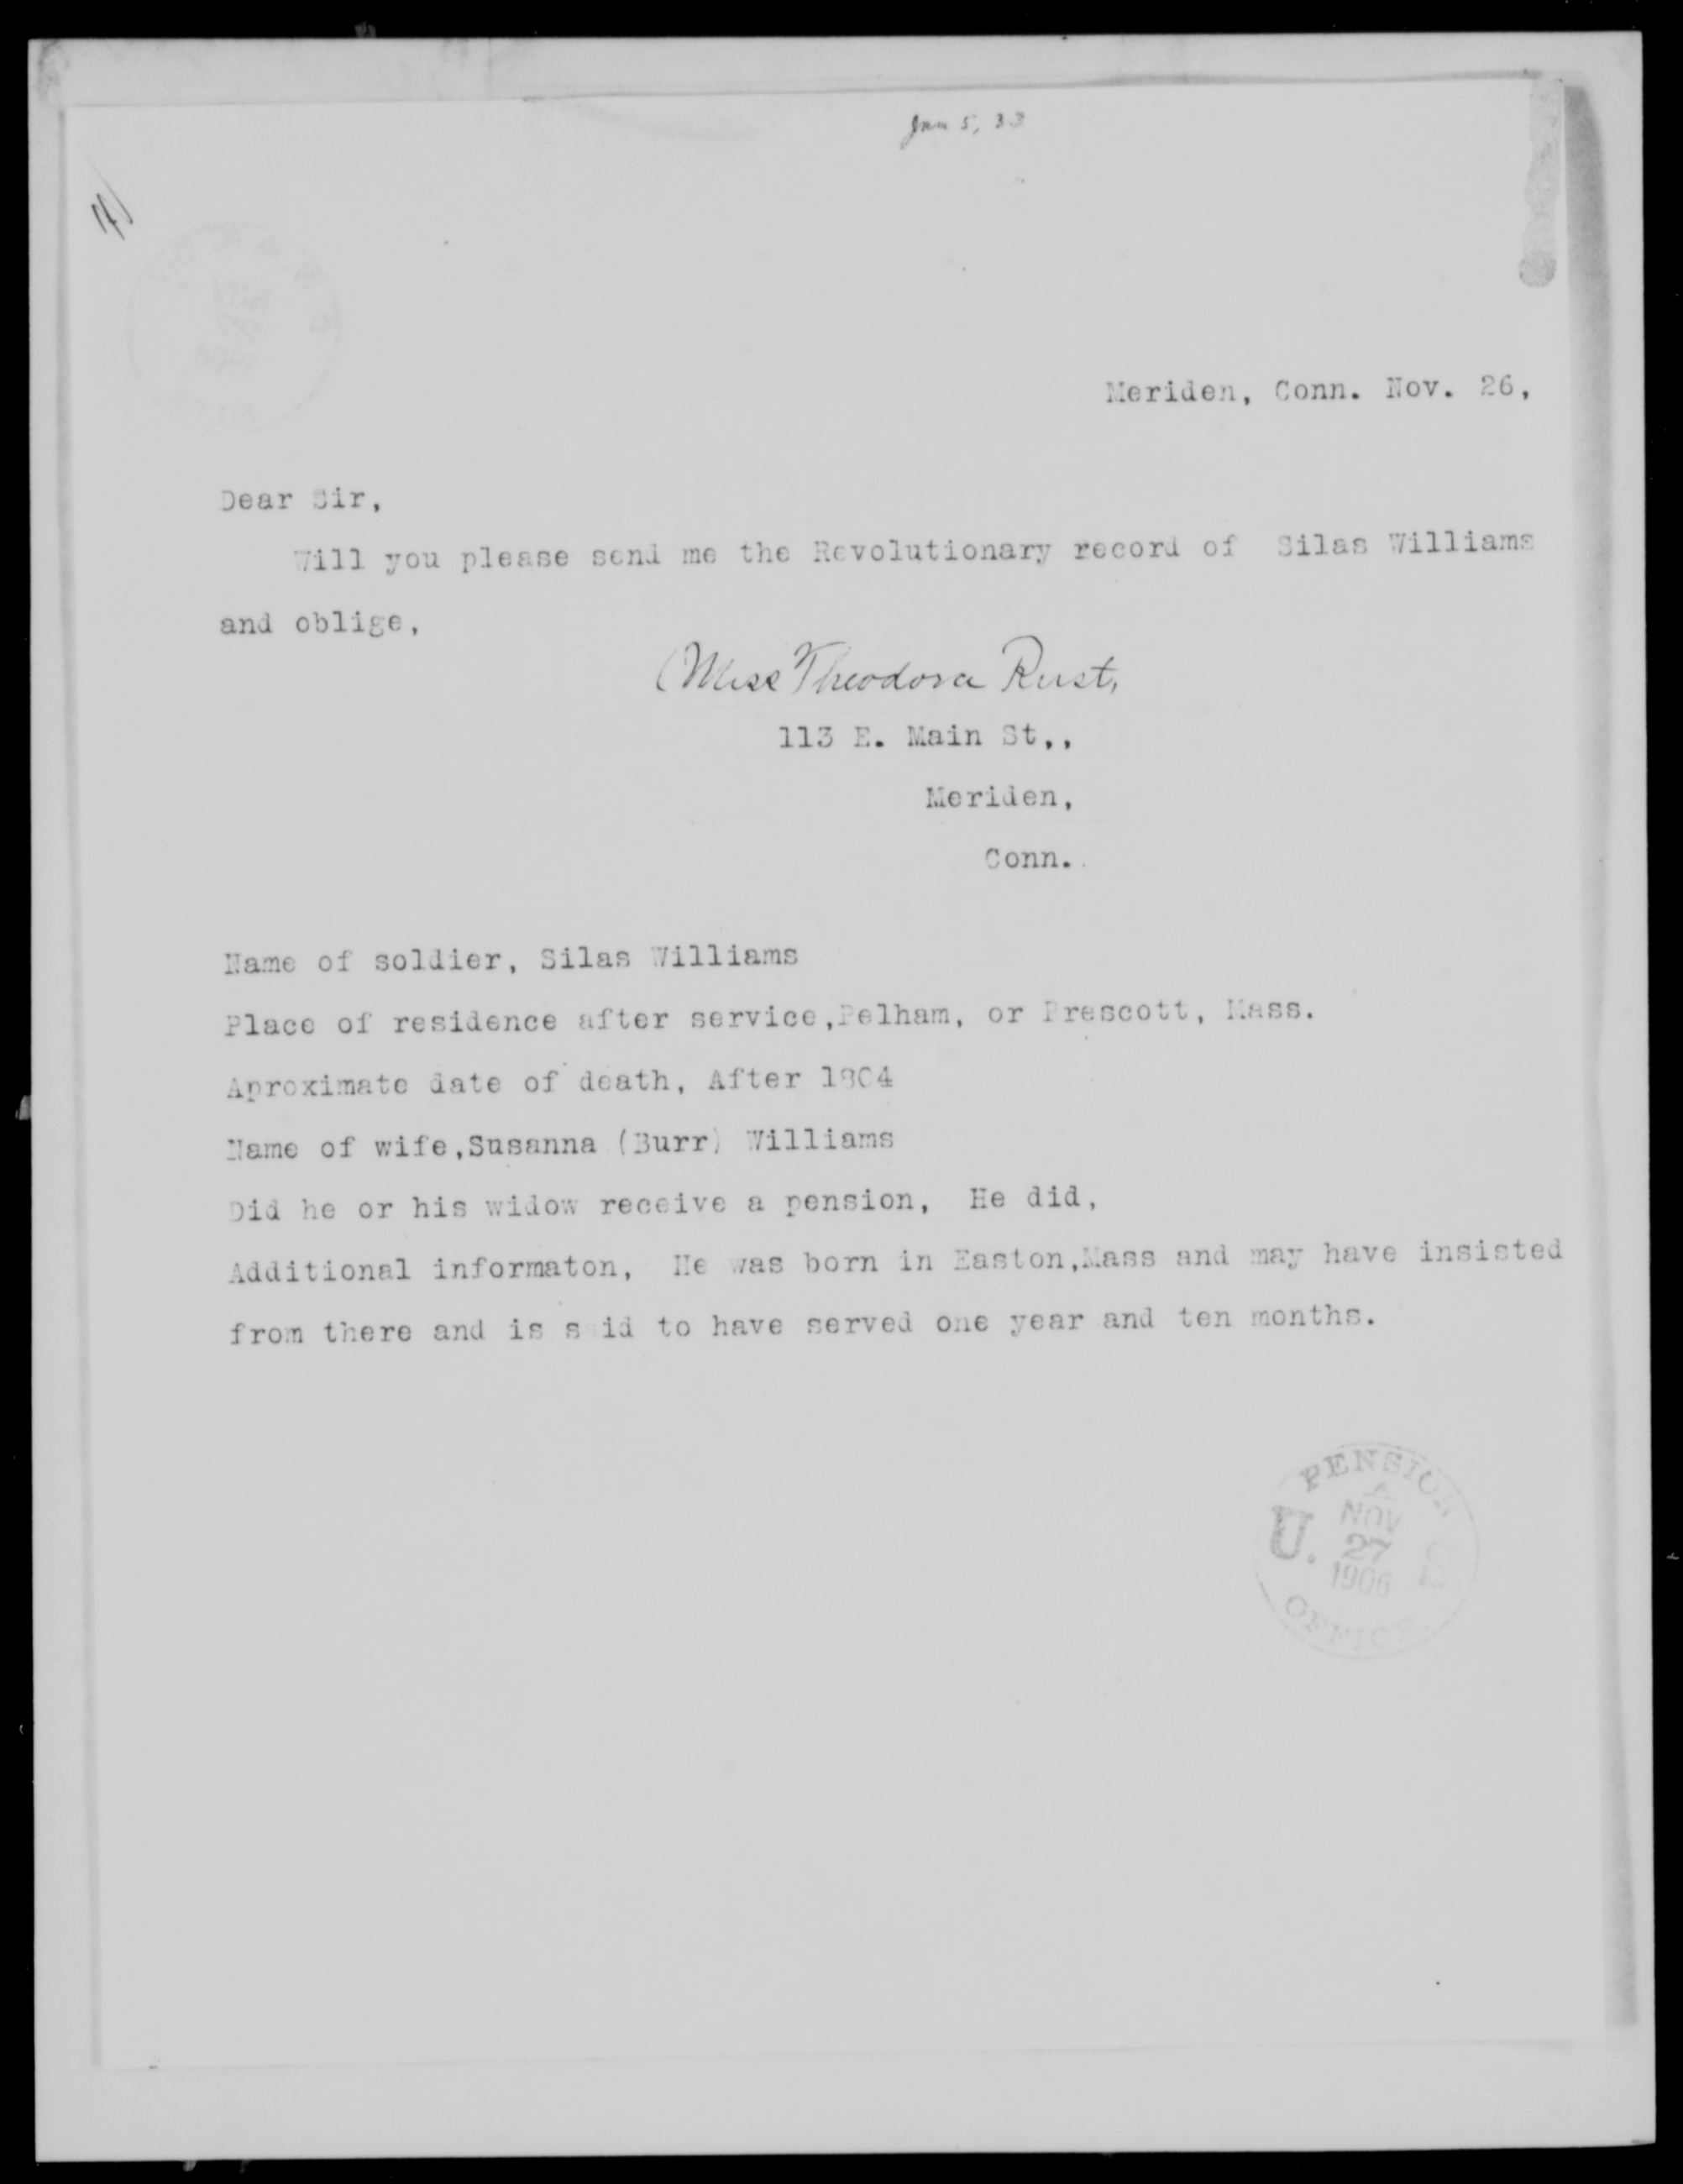Jan 5, 33
Meriden, Conn Nov 26
Dear Sir,
Will you please send me the Revolutionary record of Silas Williams and oblige,
Miss Theodora Rust
113 E Main St
Meriden
Conn
Name of soldier, Silas Williams
Place of residence after service, Pelham, or Prescott, Mass
Approximate date of death, After 1904
Name of wife, Susannah (Burr) Williams
Did he or his widow receive a pension, He did
Additional information, He was born in Easton Mass and may have insisted from there and is said to have served one year and ten months. 
PENSION
U NOV S
27
1906
OFFICE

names: Susanna Williams, Silas Williams, Theodora Rust, Susanna Burr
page: 18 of 20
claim: survivor's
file: S. 11778, Silas Williams, Mass.